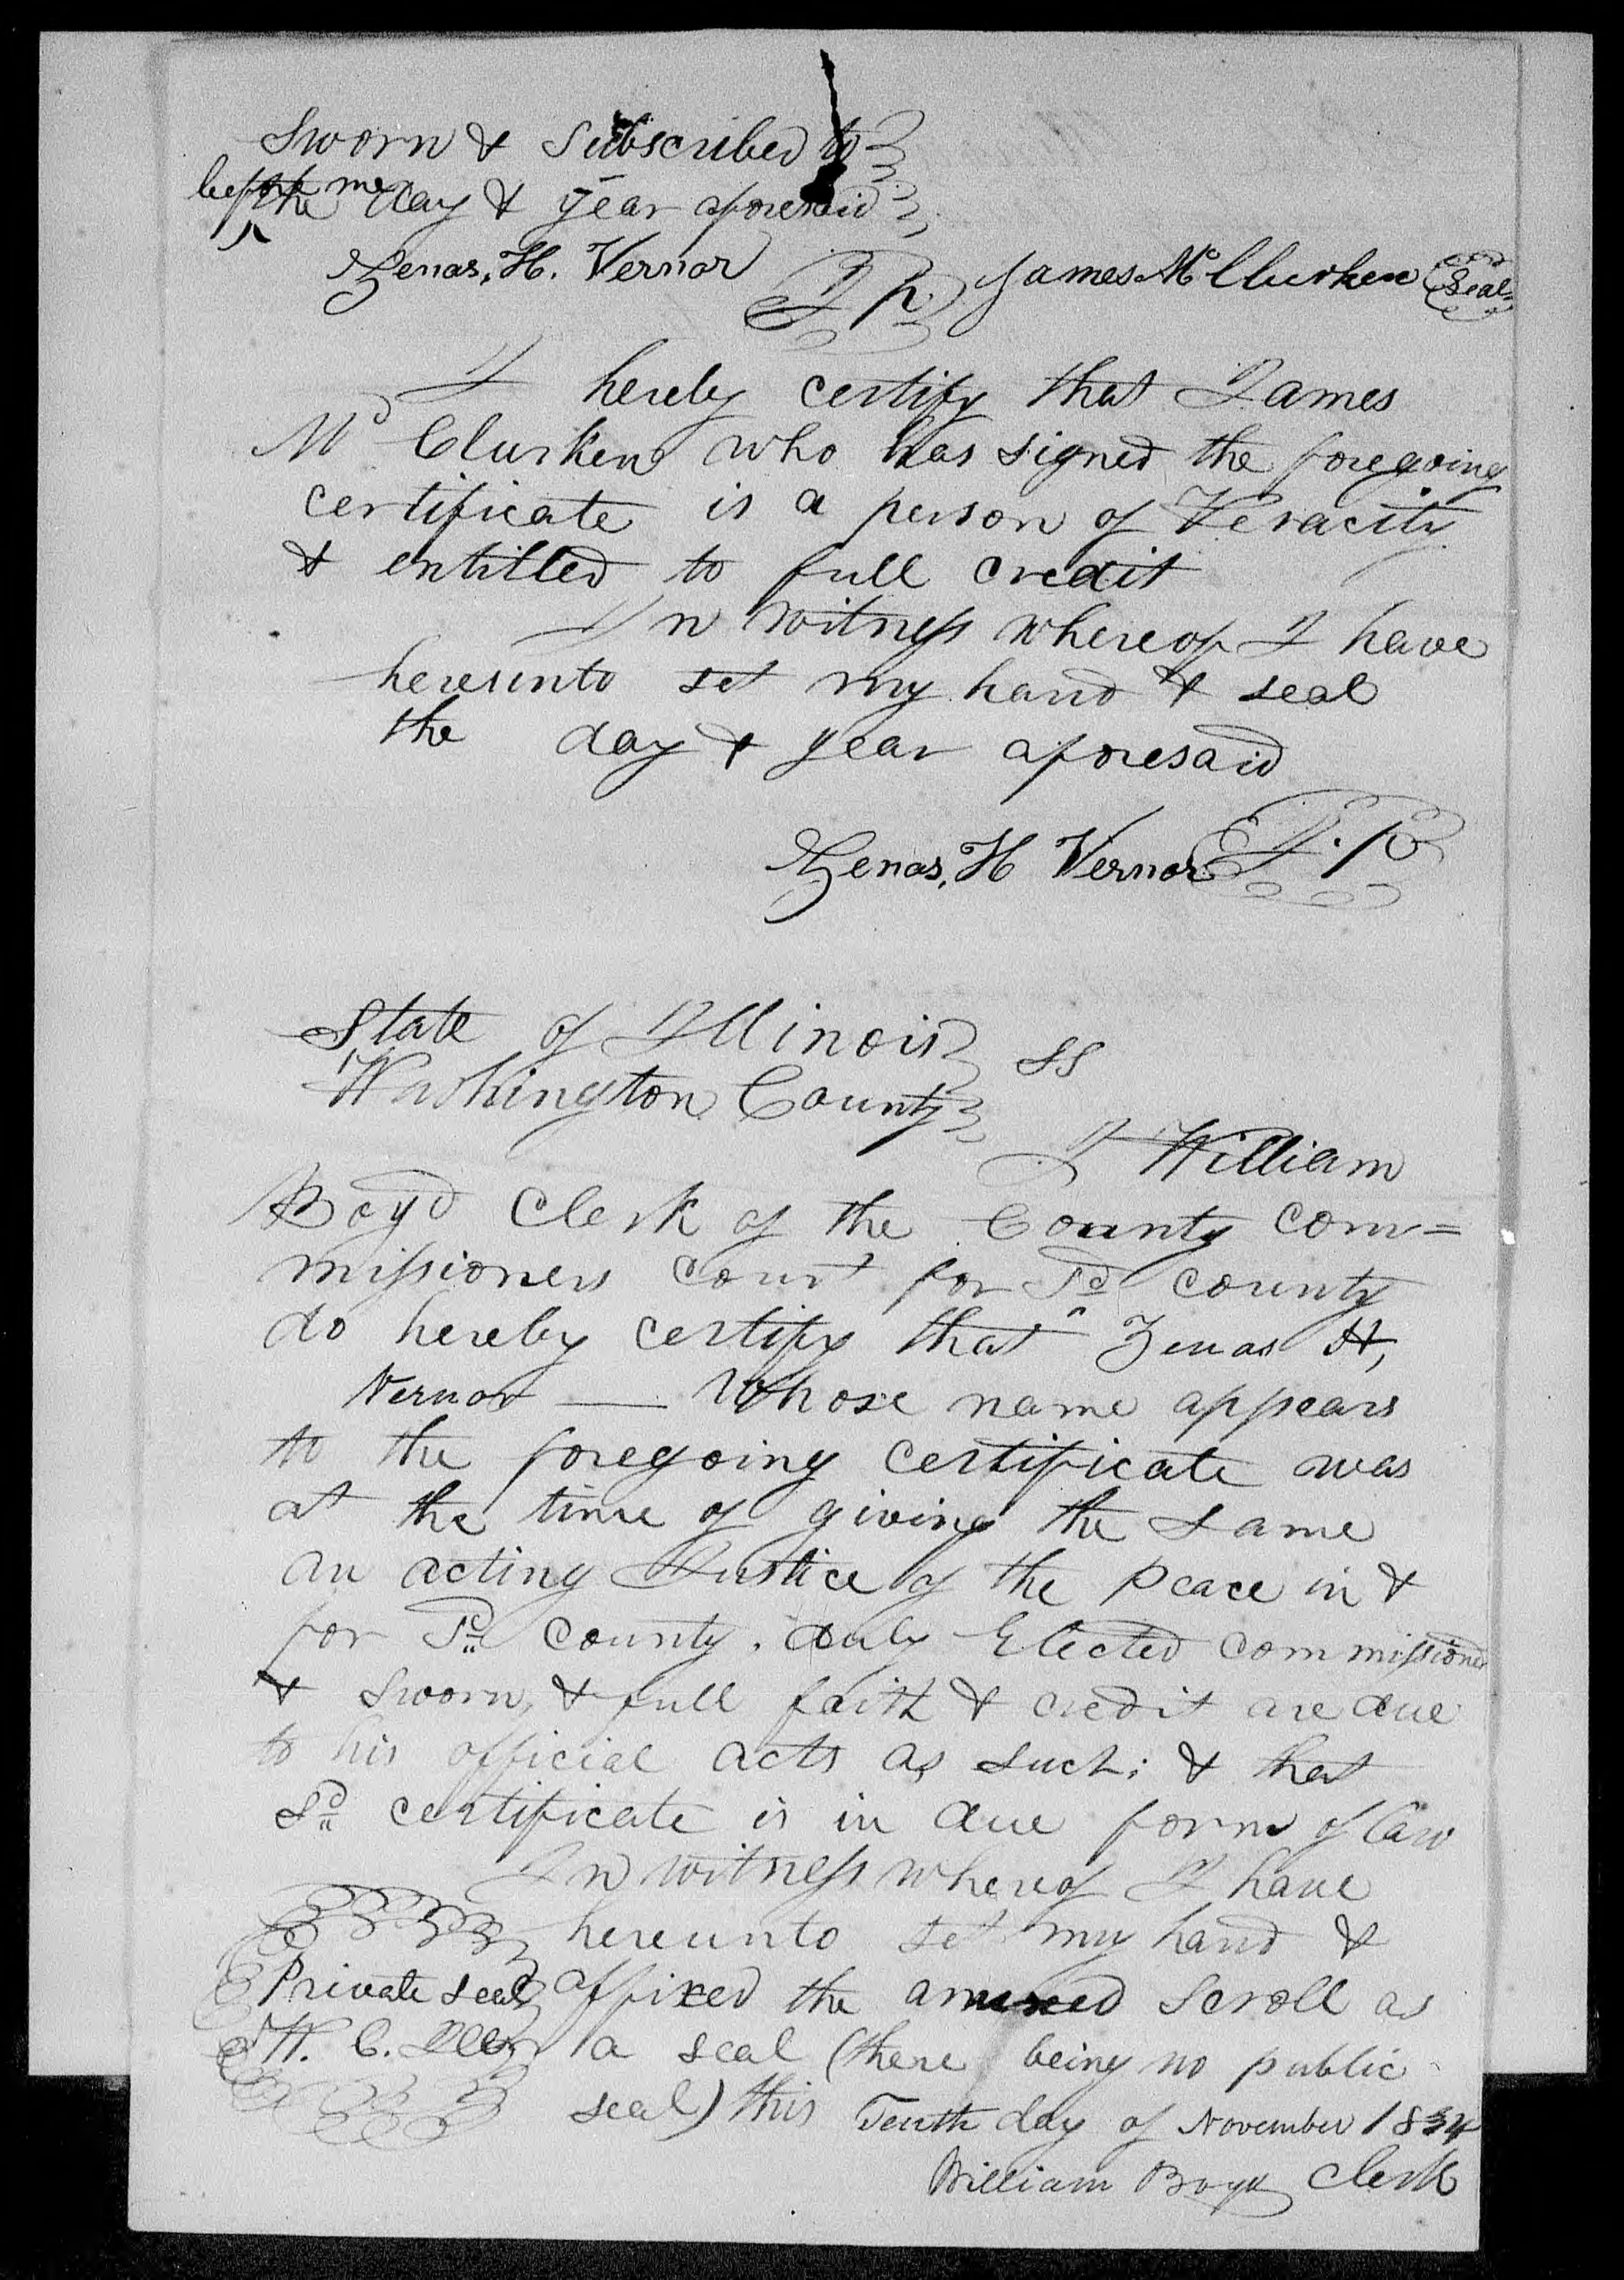Sworn & Subscribed to}
before me the day & year aforsaid}
Zenas H. Vernor J.P.

James McClurken {seal}

I hereby certify that James 
McClurken who has signed the foregoing certificate is a person of veracity 
& entitled to full credit 

In Witness whereof I have 
hereunto set my hand & seal 
the day & year aforesaid 
Zenas H Vernor J.P. 

State of Illinois} ss 
Washington County} 
I William Boyd Clerk of the County 
commissioners Court for said County 
do hereby certify that Zenas H. Vernor- whose name appears 
to the foregoing certificate was 
at the time of giving the same 
an acting Justice of the peace in & 
for said County, duly Elected Commissioned & Sworn, & full faith & credit are due 
to his official acts as such; & that 
said certificate is in due form of law 

In witness whereof I have 
hereunto set my hand &
 affixed the annexed scroll as 
 a seal (there being no public 
seal) this Tenth day of November 1834 William Boyd Clerk

{Private seal}
{HGB}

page: 76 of 93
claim: widow's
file: W. 21792, for Thomas Mc Clurken, South Carolina